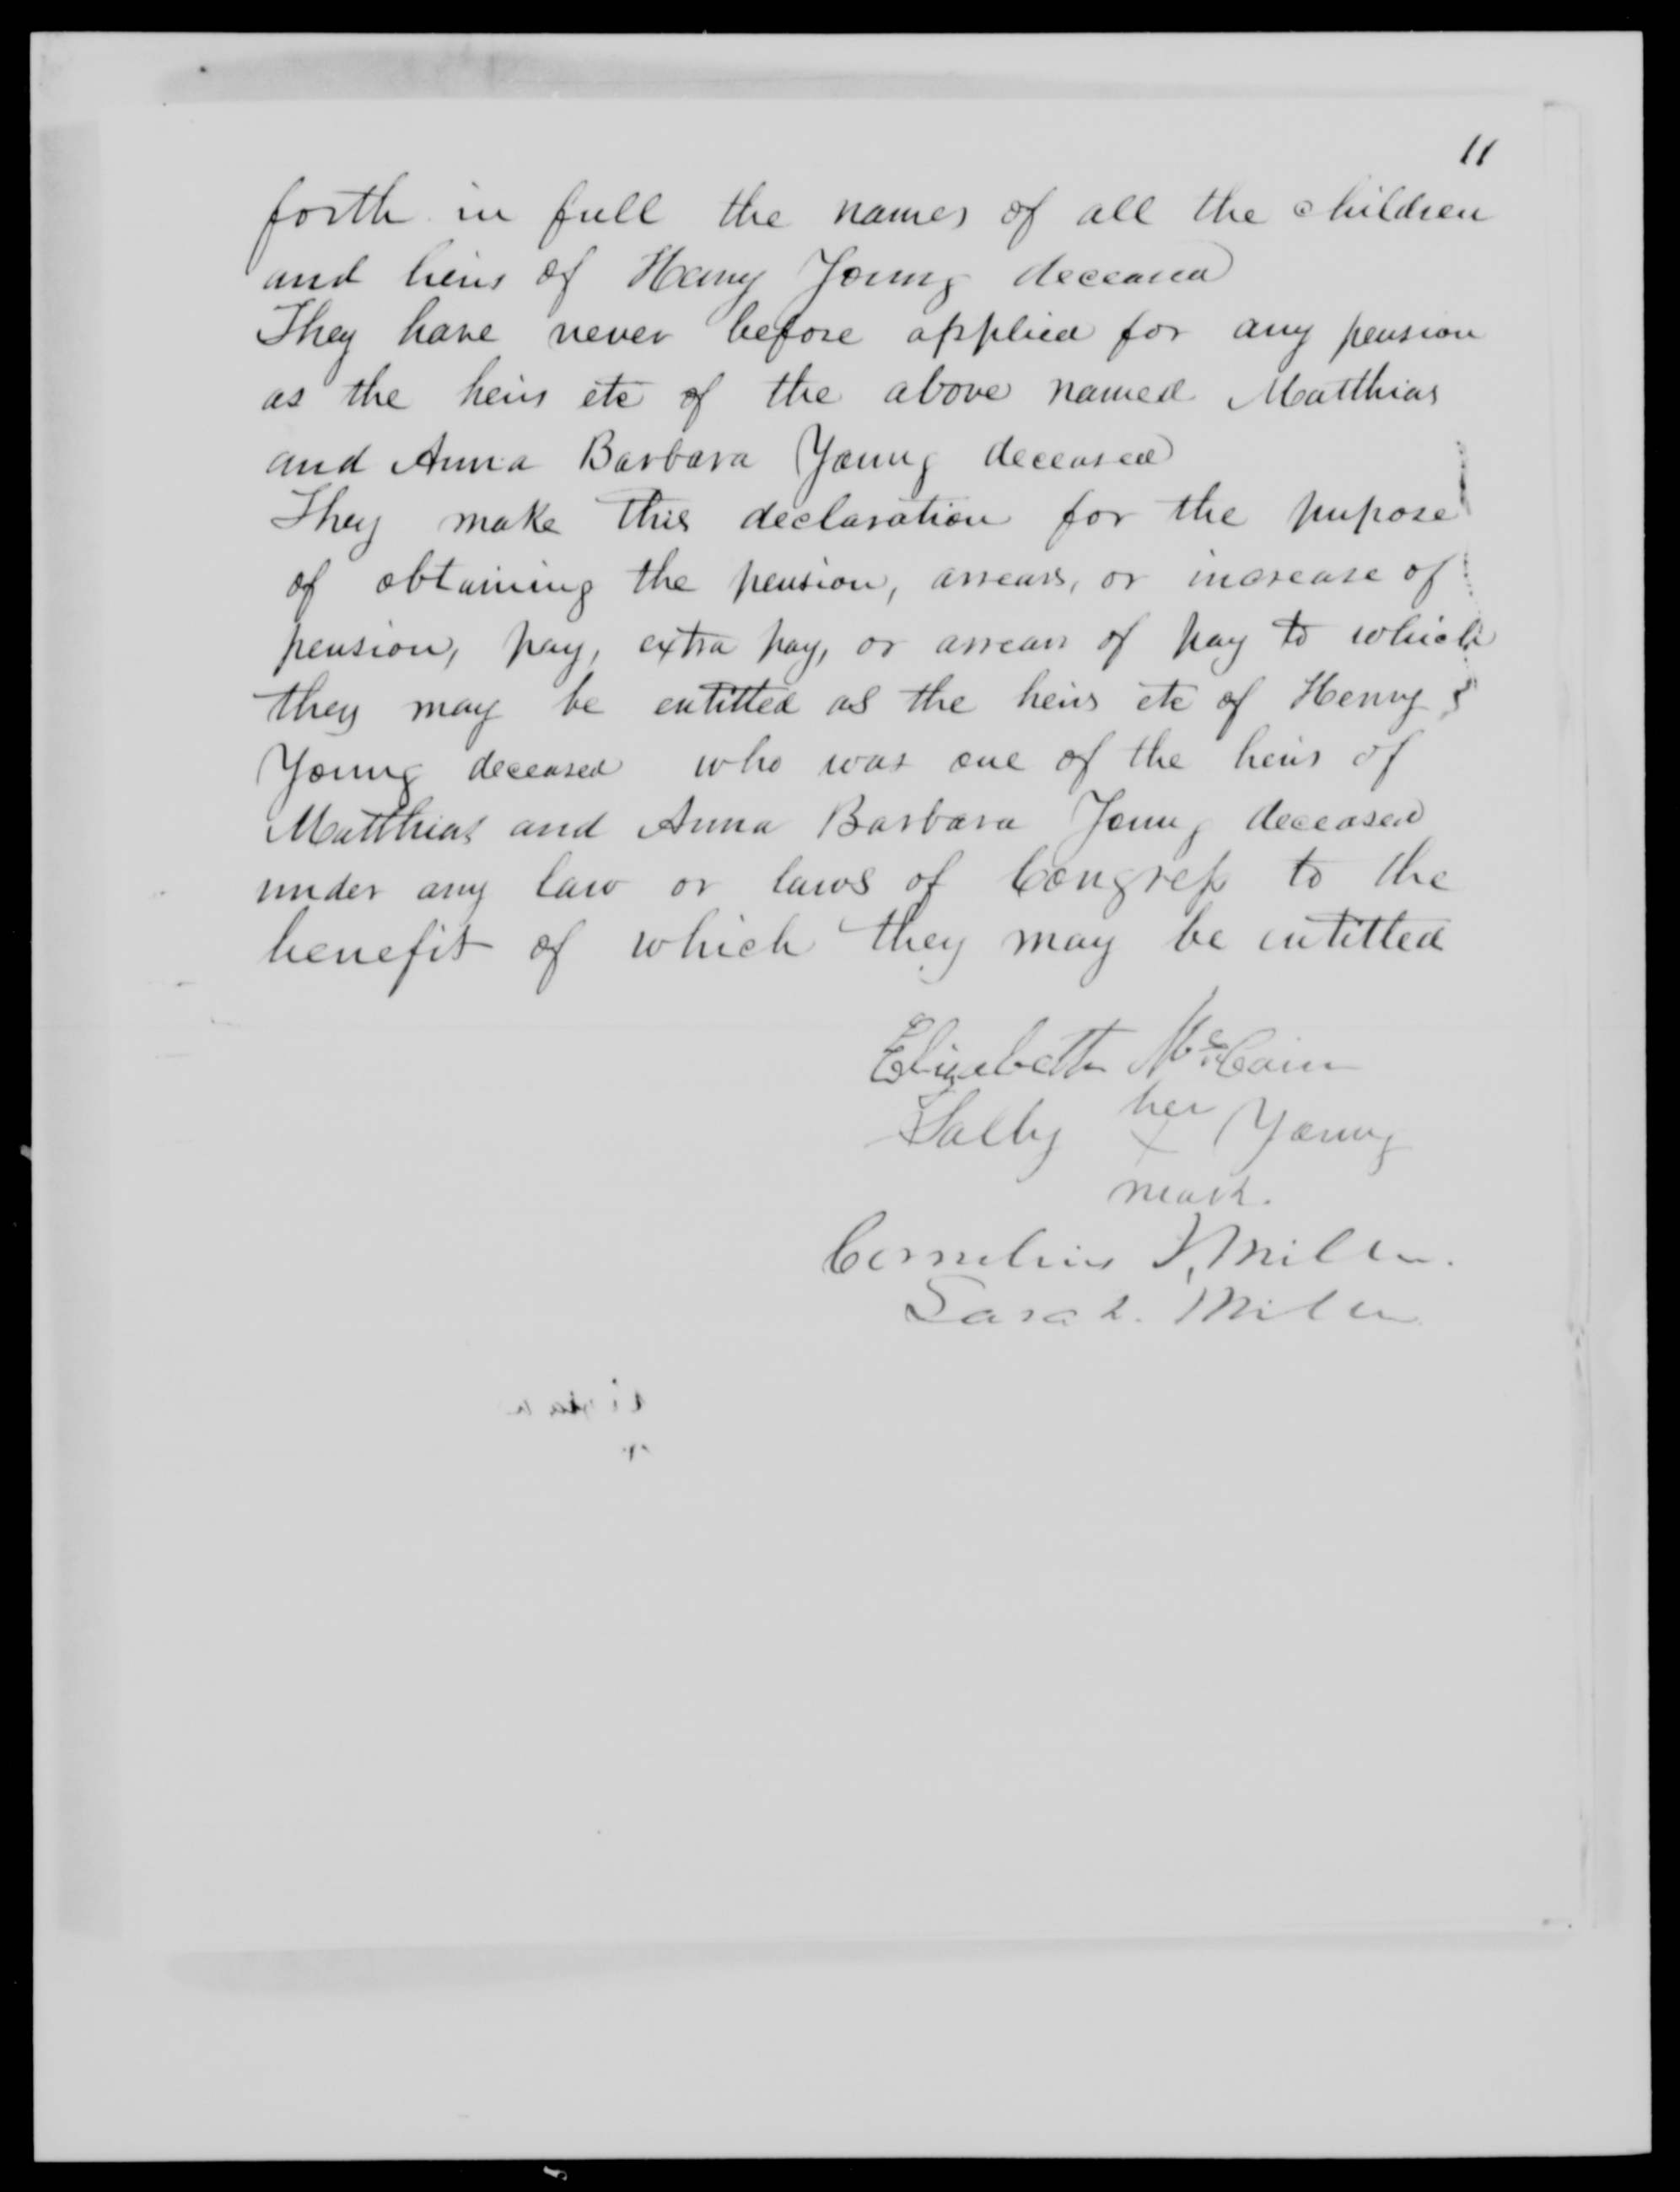11
forth in full the names of all the children
and heirs of Henry Young deceased.
They have never before applied for any pension
as the heirs etc of the above named Matthias
and Anna Barbara Young deceased.
They make this declaration for the purpose
of obtaining the pension, arrears, or increase of
pension, pay, extra pay, or arrears of Pay to which
they may be entitled as the heirs etc of Henry
Young deceased who was one of the heirs of
Matthias and Anna Barbara Young deceased
under any law or laws of Congress to the
benefit of which they may be entitled.
Elizabeth McCain
Sally Young her mark
Cornelius J. Miller
Sarah Miller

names: Sarah Miller, Matthias Young, Anna Barbara Young, Sally Young, Henry Young, Elizabeth Mc Cain, Cornelius J Miller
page: 30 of 123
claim: rejected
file: R. 11,949, Matthias Young, Md.